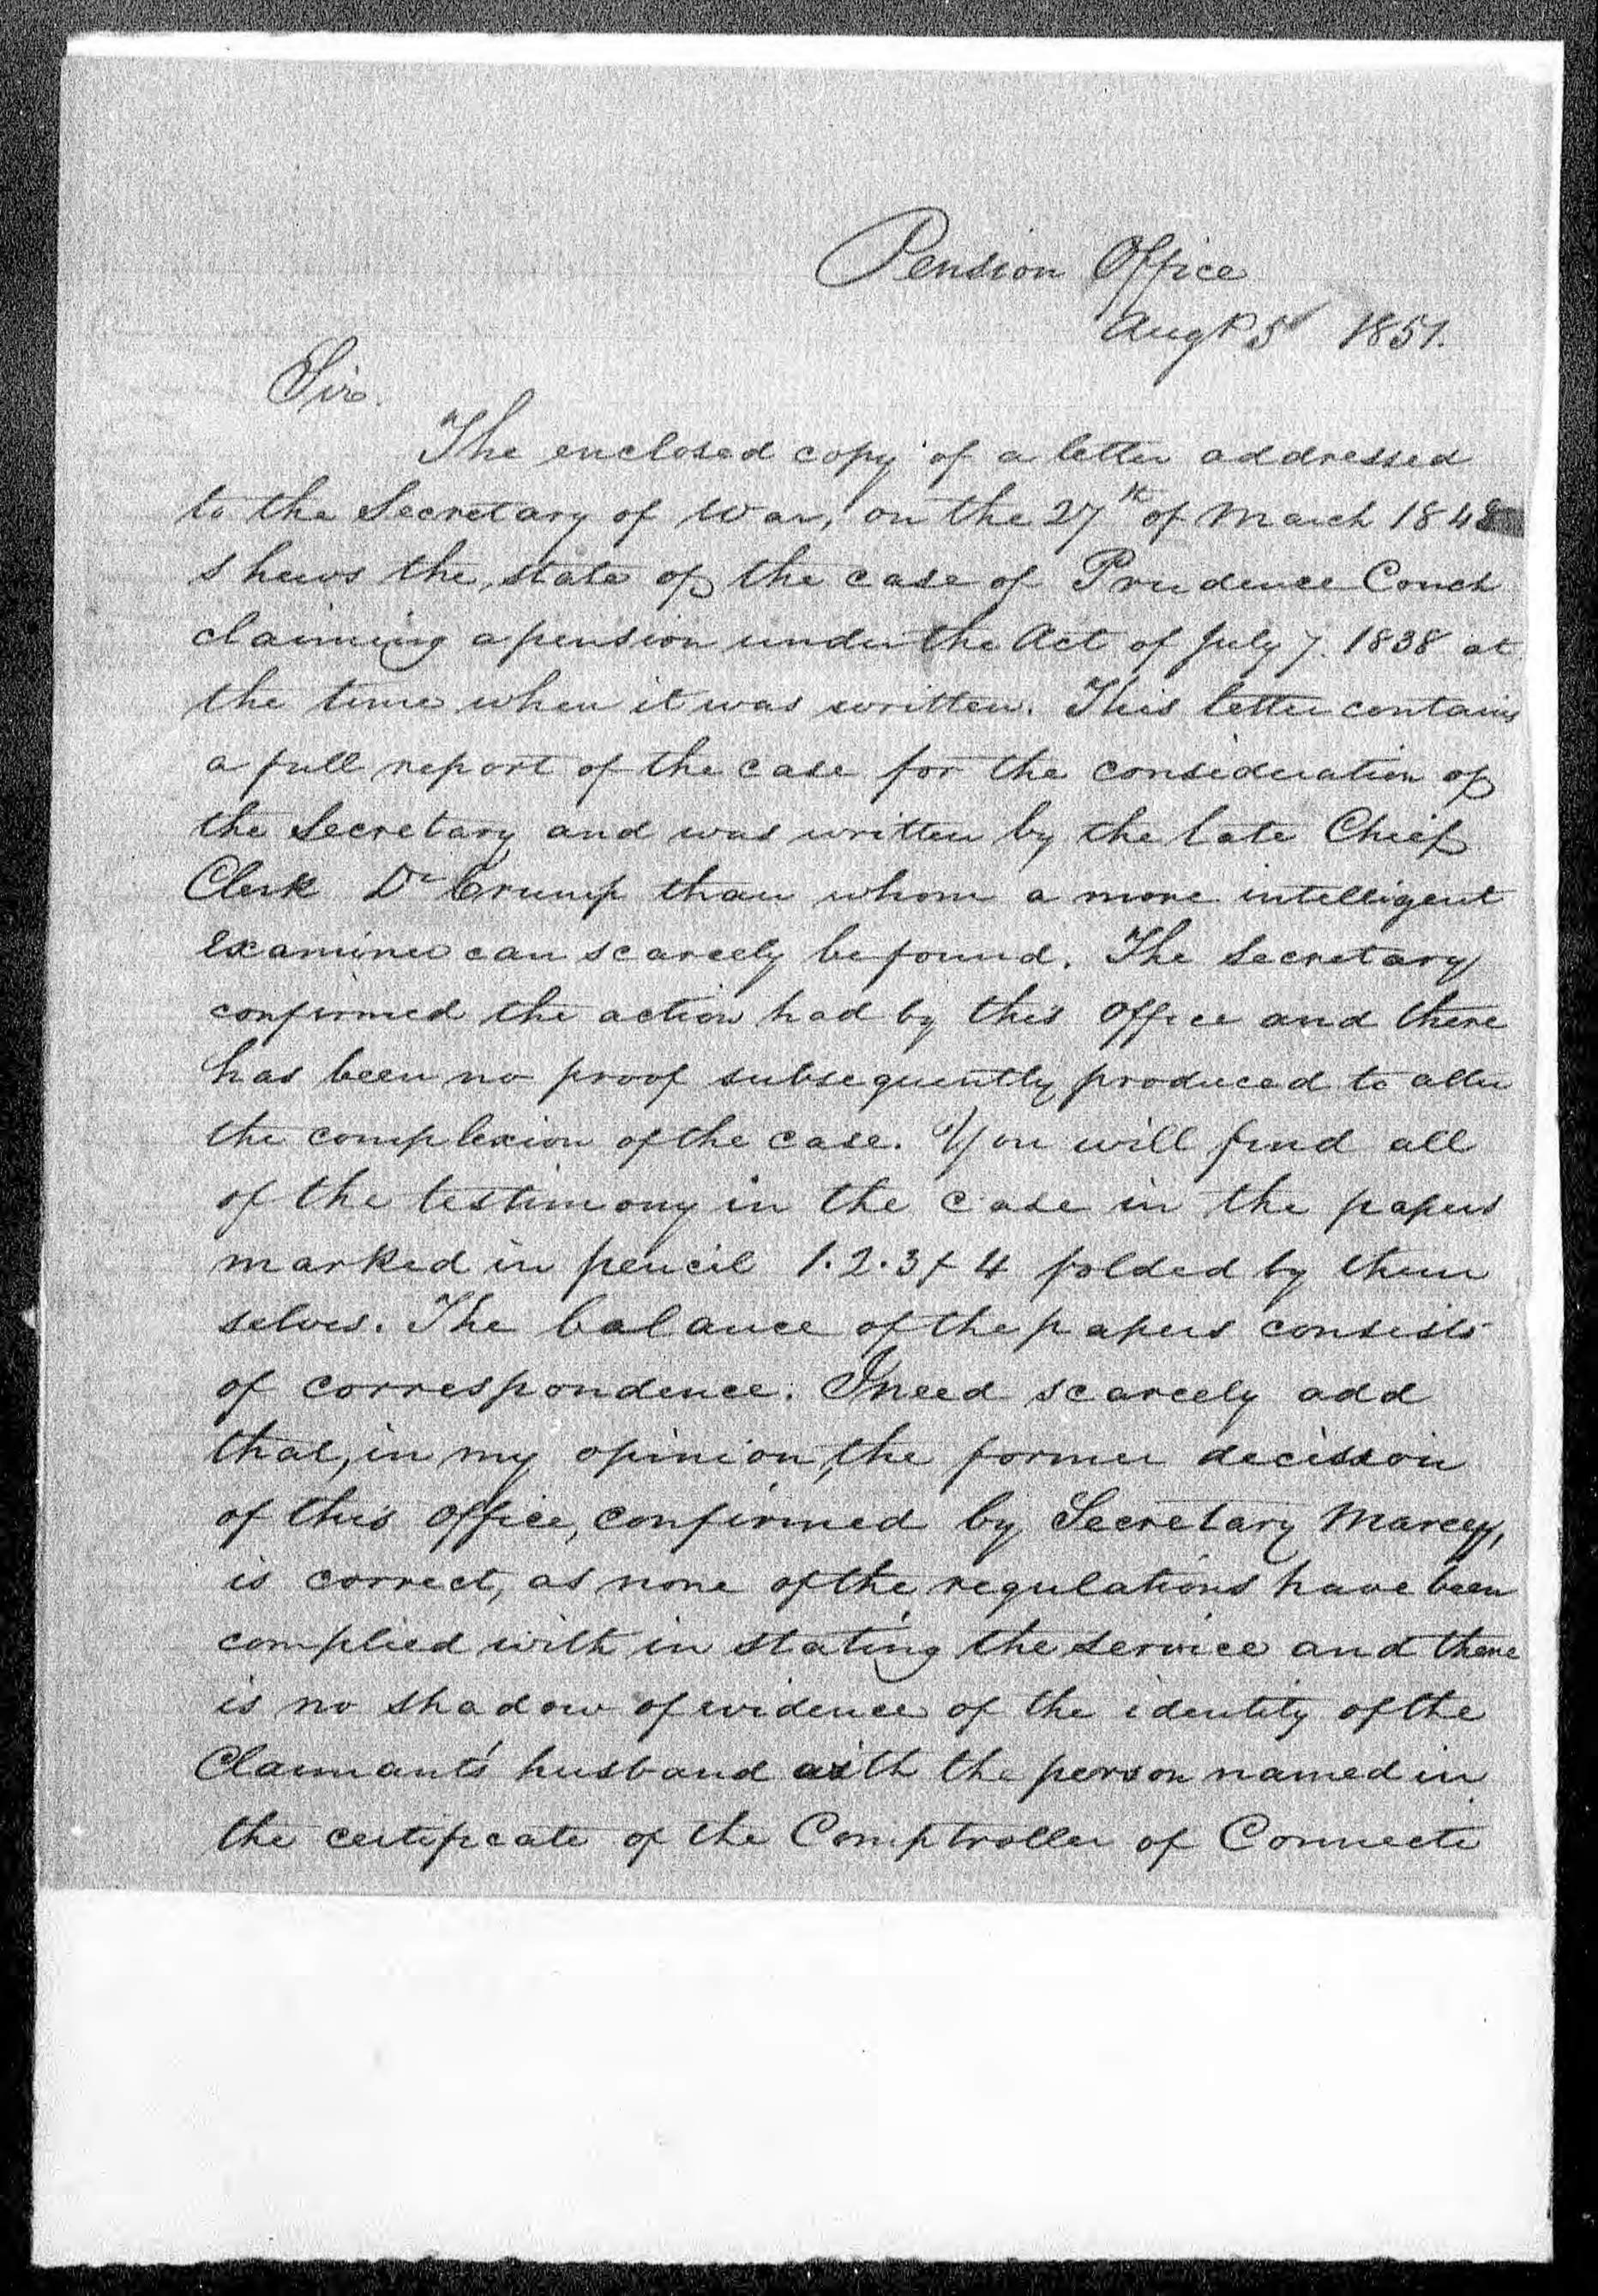Pension Office 
Augt 5th 1857
Sir,
The enclosed copy of a letter addressed to the Secretary of War, on the 27th of March 1848 shows that state of the case of Prudence Couch claiming a pension under the act of July 7, 1838 at the time when it was written. This letter contains a full report of the case for the consideration of the Secretary and was written by the late Chief Clerk Dr. Crump than whom a more intelligent examiner can scarcely be found. The Secretary confirmed the action had by this office and there has been no proof subsequently produced to allow the completion of the case. You will find all of the testimony in the case in the papers marked in pension 1, 2, 3 & 4 folded by themselves. The balance of the papers consists of correspondence. I need scarcely add that, in my opinion, the former decision of this office, confirmed by Secretary Marcy, is correct, as none of the regulations have been complied with in stating the service and there is no shadow of evidence of the identity of the claimant's husband with the person names in the certificate of the Comptroller of Connecti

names: Crump, Marcy, Prudence Couch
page: 47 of 68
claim: rejected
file: R. 2,360, John Couch, Conn.